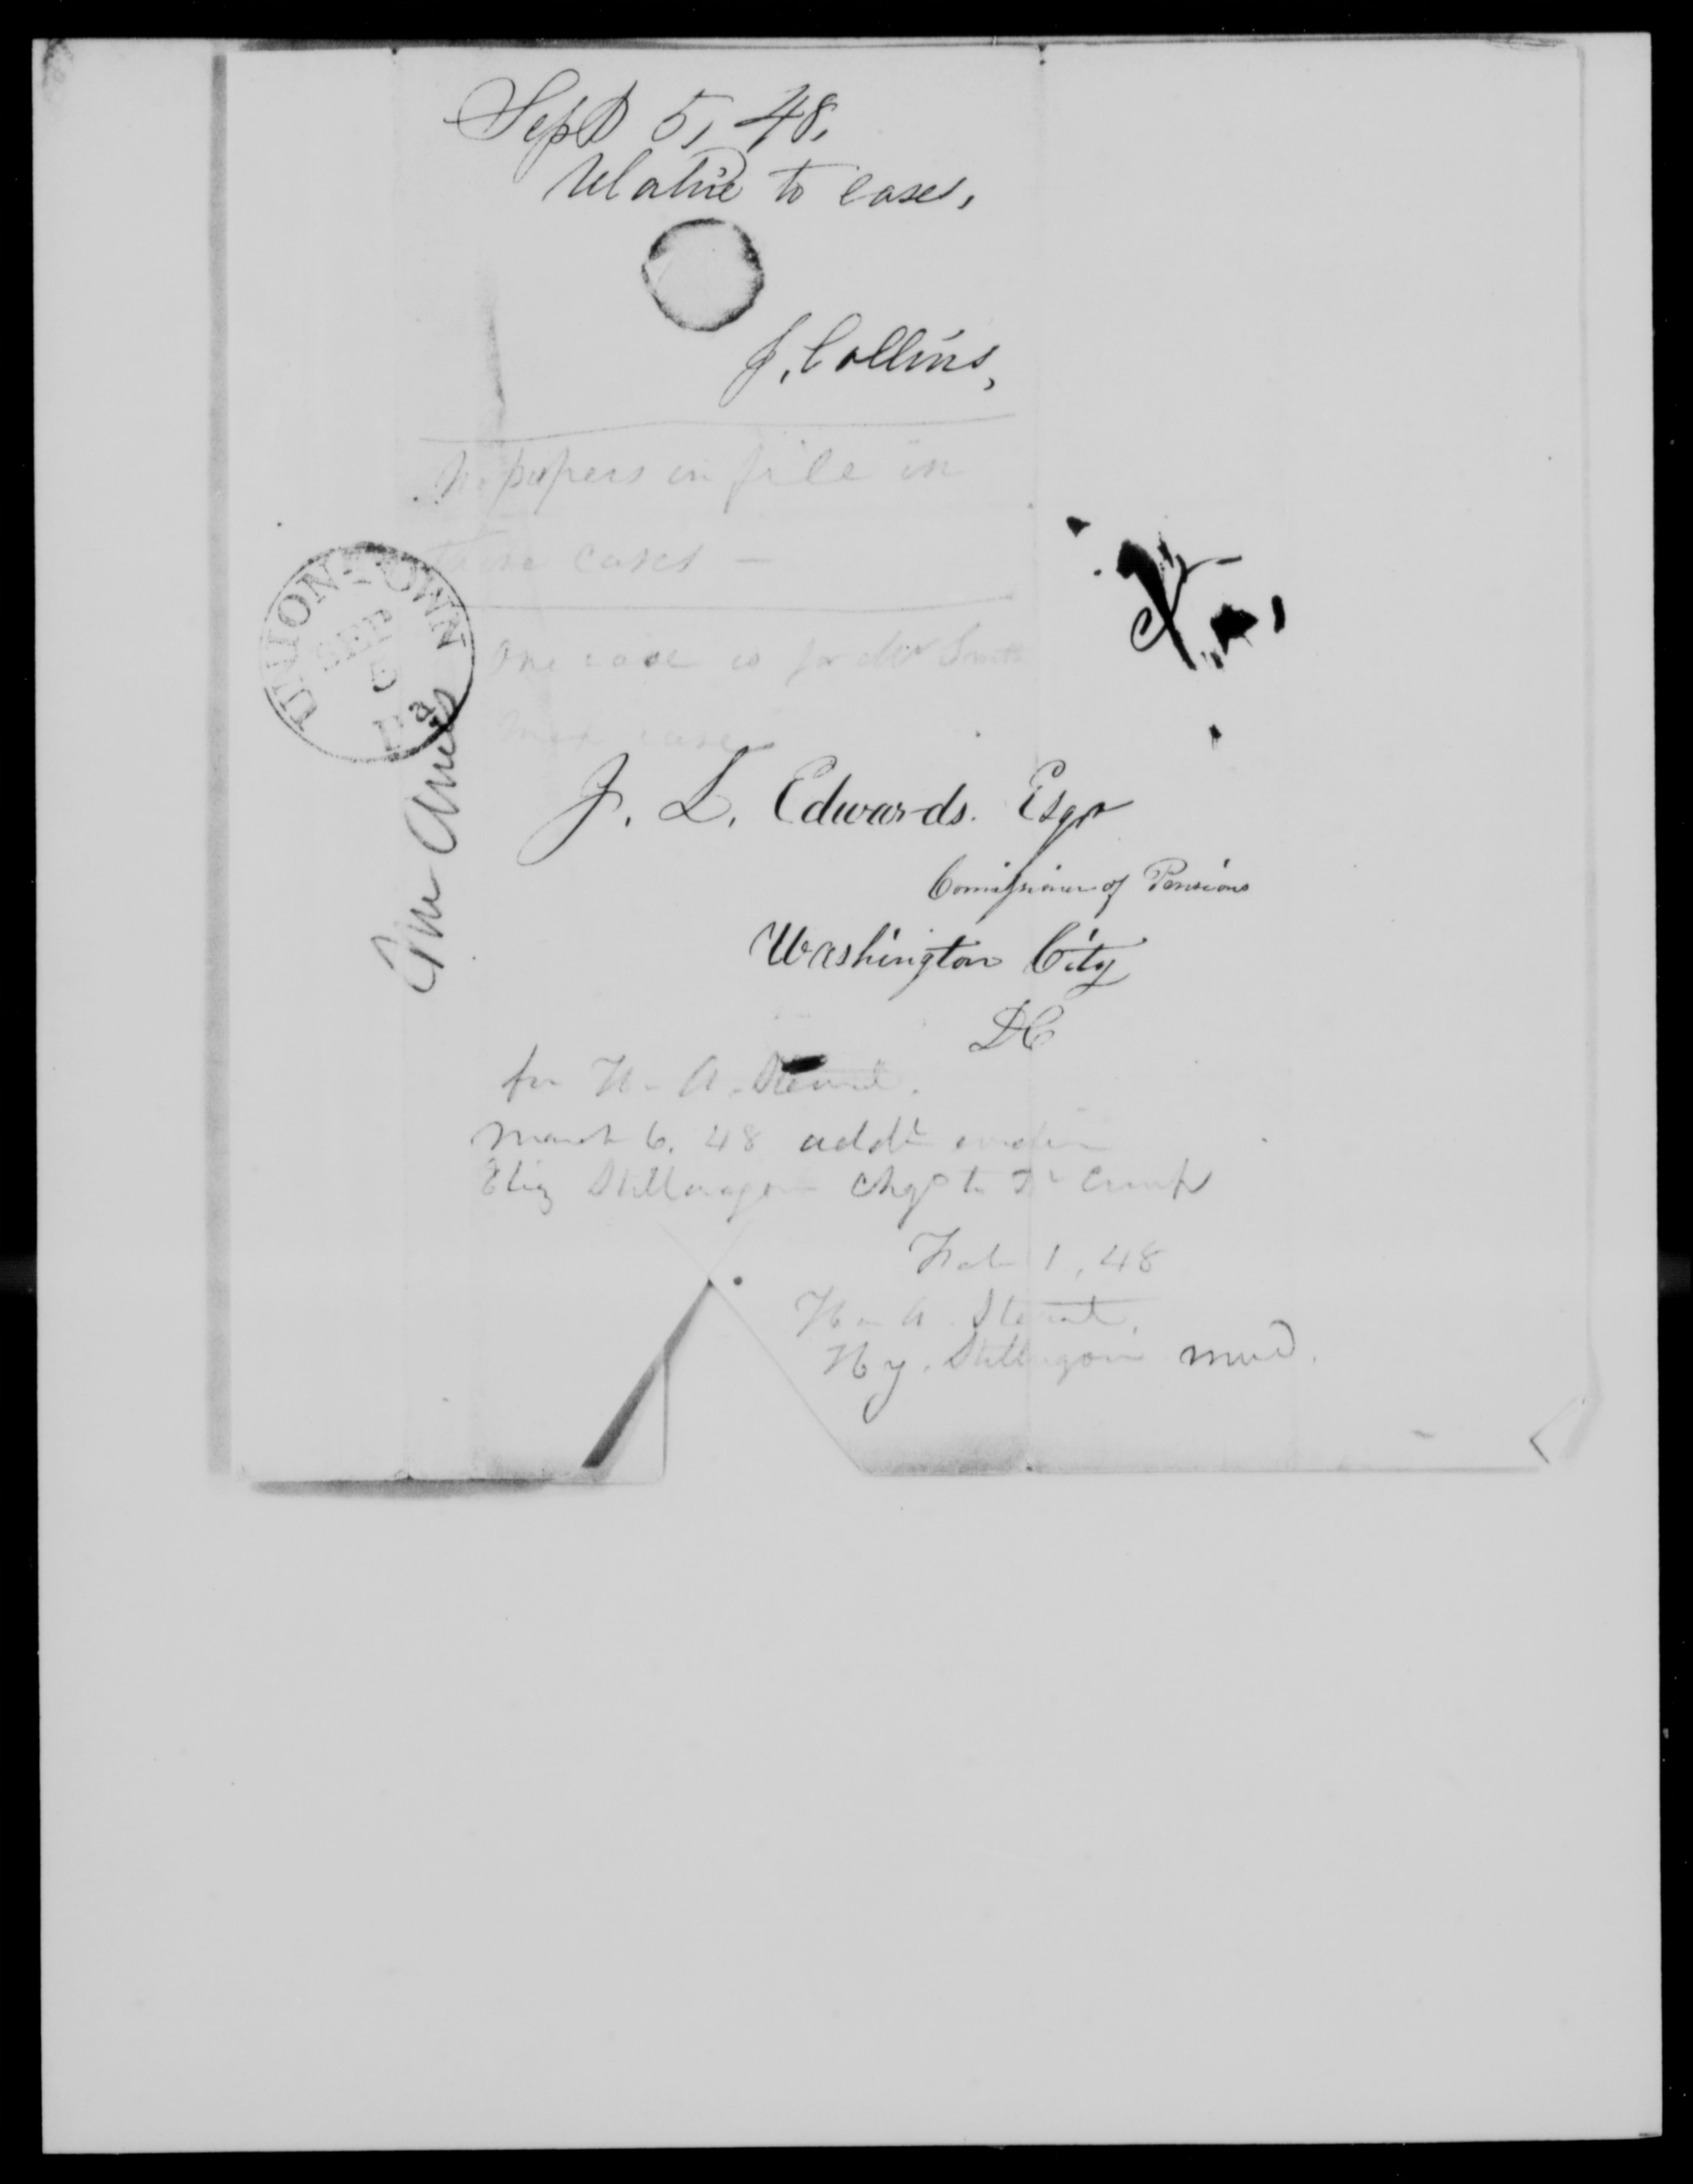Sept. t, 48
relative to case
[ink blot]
J. Collins
[illegible] [very faint] papers in file in [illegible] case [very faint]

[very faint] one case is [illegible] Smith [very faint]

[round stamp]  Uniontown [date illegible] [round stamp]

[weitten vertically] Mr. Ames [written vertically]

J. L. Edwards, Esq
Commissioner of Pensions
Washington City DC

for [illegible]
March 6, 48 added [illegible]
Eliz Stillwagon chgd to [illegible]
[illegible, may be Feb] 1, 48
[illegible] Stewart
[illegible]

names: [BLANK] Ames; J L Edwards; [BLANK] Stillwagon; J Collins; Eliz Stillwagon; A Stewart; A Stewart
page: 45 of 73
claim: widow's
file: W. 3197, for Peter Stillwagon, New Jersey